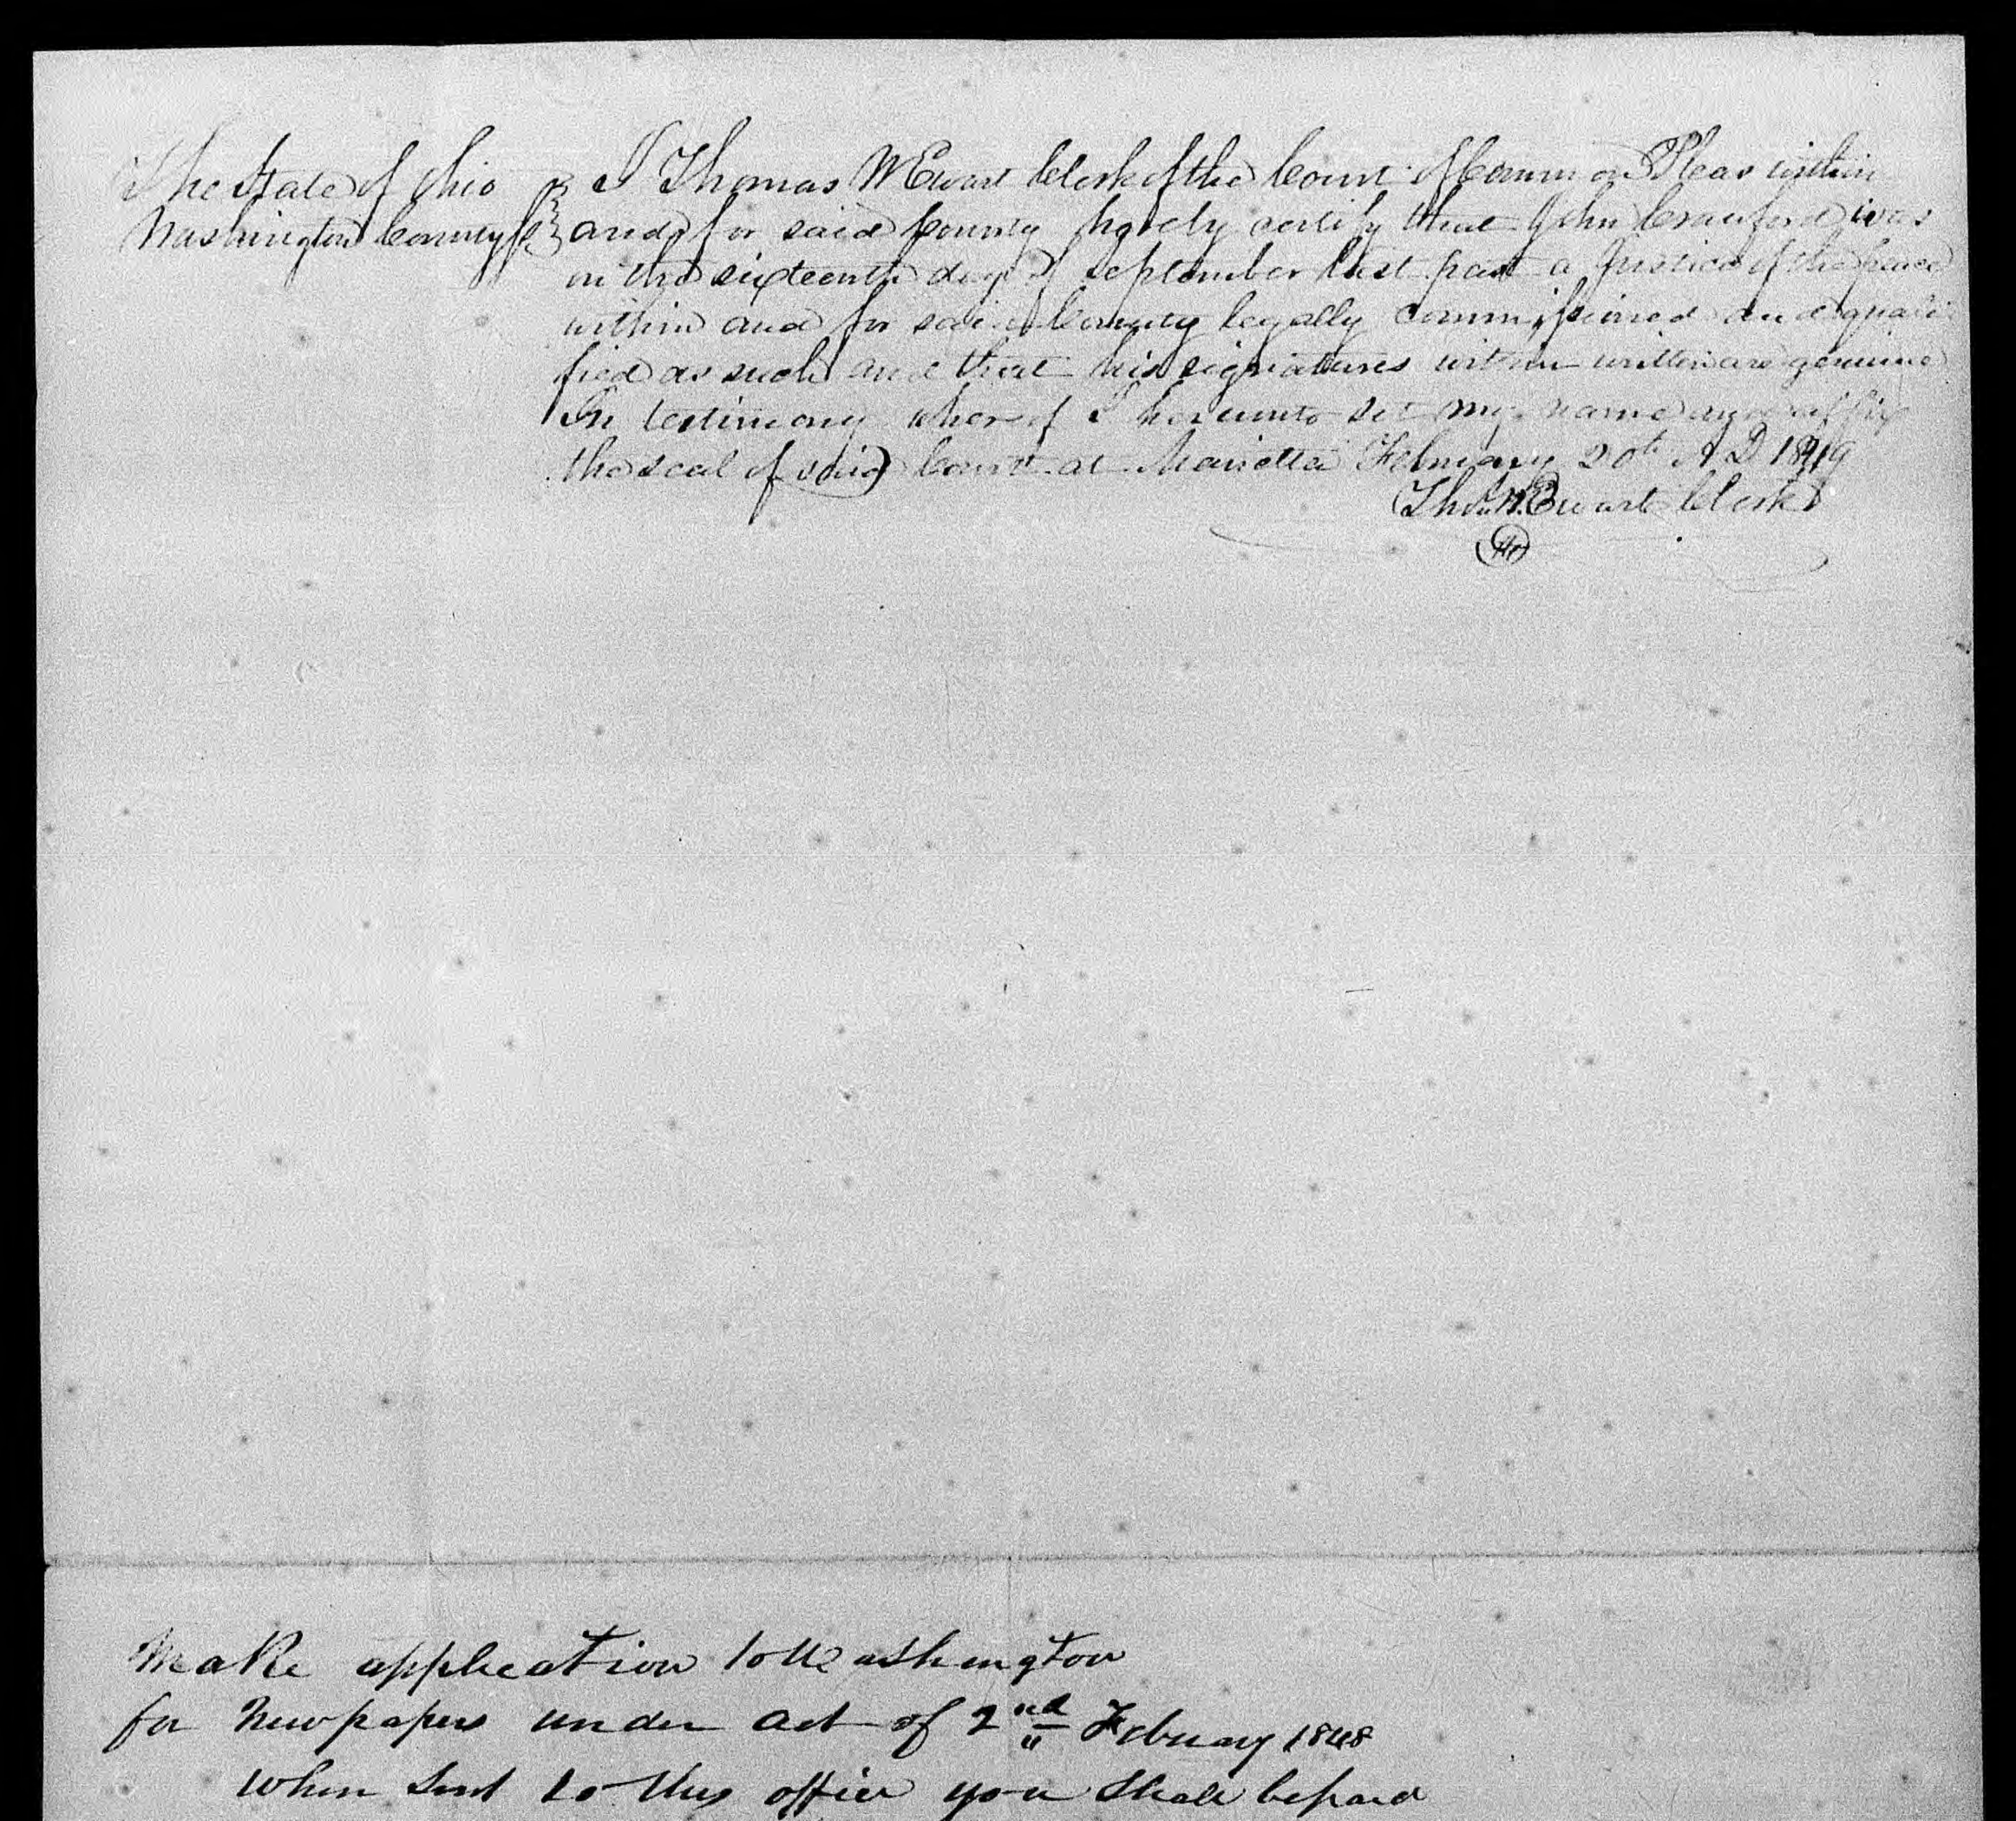The State of Ohio}
Washington County fs} I Thomas W Ewart Clerk of the Court of Common Pleas within and for said County hereby certify that John Crawford was in the sixteenth day of September last past a Justice of the peace within and for said County legally commifsioned and qualified as such and that his signatures within written are genuine
In testimony whereof I hereunto set my name and affix the seal of said Court at Marietta February 20th AD 18419
Thos. W. Ewart Clerk

Make application to Washington
for new papers under act of 2nd February 1848
when sent to this office you shall [illegible]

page: 48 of 50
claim: widow's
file: W. 4253, for John Kent, Vermont